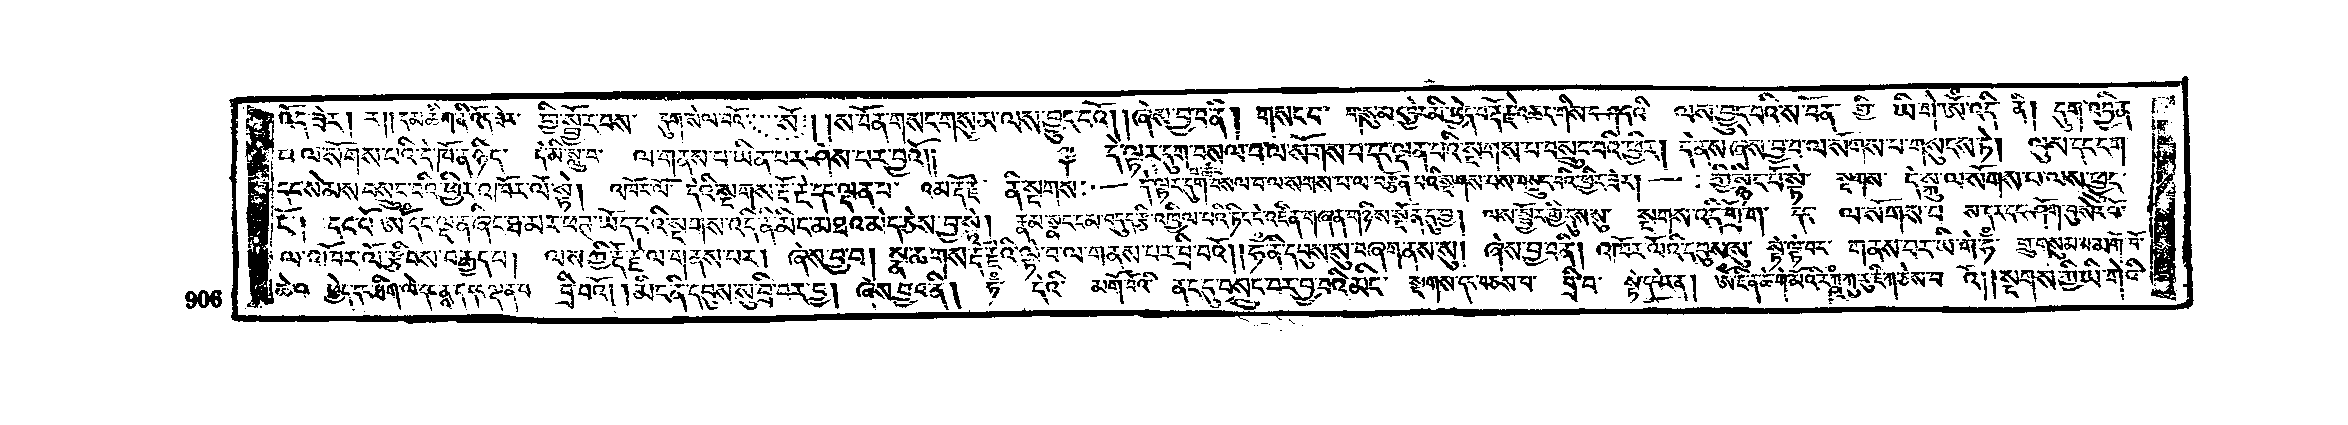འོད་ཟེར། ར། །དམ་ཚིག་ནི་འོད་ཟེར་གྱི་སྦྱོར་བས་དུག་སེལ་བའོ་སོ། །ས་བོན་གསང་གསུམ་ལས་བྱུང་བའོ། །ཞེས་བྱ་བ་ནི། གསང་བ་གསུམ་དབྱེར་མི་ཕྱེད་པ་རྡོ་རྗེ་འཆང་གིས་བཤད་པ་ལས་བྱུང་བའི་ས་བོན་གྱི་ཡི་གེ་ཨོཾ་འདི་ནི། དུག་འབྱིན་
པ་ལ་སོགས་པའི་དེ་ཁོ་ན་ཉིད་དེ་མི་སླུ་བ་ལ་གནས་པ་ཡིན་པར་ཤེས་པར་བྱའོ།། ༈ དེ་ལྟ་ན་དུག་བསལ་བ་ལ་སོགས་པ་དང་ལྡན་པའི་སྔགས་པ་བསྲུང་བའི་ཕྱིར། དེ་ནས་ཞེས་བྱ་བ་ལ་སོགས་པ་གསུངས་ཏེ། ལུས་དང་ངག་
དང་སེམས་བསྲུང་བའི་ཕྱིར་འཁོར་ལོ་སྟེ། འཁོར་ལོ་དེའི་སྔགས་རྡོ་རྗེ་དང་ལྡན་པའམ་རྡོ་རྗེ་ནི་སྔགས་དེ་ལྟར་དུག་བསལ་བ་ལ་སོགས་པ་ལ་བརྩོན་པའི་སྔགས་པས་བསྲུང་བའི་ཕྱིར་ཟེར།  ཀྱི་སྙིང་པོ་སྟེ་སྔགས་དེ་སྐུ་ལ་སོགས་པ་ལས་ཕྱུང་
ངོ། །དང་པོ་ཨོཾ་དང་ལྡན་ཞིང་ཐ་མར་ཕཊ་ཡོད་པའི་སྔགས་འདི་ནི་མིང་མཐའ་མེད་ཅེས་བྱ་སྟེ། རྣམ་སྣང་ངམ་བདུད་རྩི་འཁྱིལ་པའི་ཏིང་ངེ་འཛིན་གཞན་གཉིས་སྔོན་དུ་བྱ། ལས་སྦྱོར་གྱི་དུས་སུ་སྔགས་འདི་གྲོ་ག་དང་ལ་སོགས་པས་དར་དང་ཤོག་བུ་སེར་པོ་
ལ་འཁོར་ལོ་རྩིགས་བརྒྱད་པ། ལས་ཀྱི་རྡོ་རྗེ་ལ་གནས་པར། ཞེས་བྱ་བ་ལ། སྣ་ཚོགས་རྡོ་རྗེའི་ལྟེ་བ་ལ་གནས་པར་བྲི་བའོ། །ཧོཾ་ནི་དབུས་སུ་བཞག་ནས་སུ། ཞེས་བྱ་བ་ནི། འཁོར་ལོའི་དབུས་སུ་སྟེ་ལྟེ་བར་གནས་པར་ཡི་གེ་ཧོཾ་གྲུ་གསུམ་པ་མགོ་བོ་
ཆེ་བ་ཟླ་བྱེད་དང་ཐིག་ལེ་དང་ནཱ་དེ་དང་ལྡན་པ་བྲི་བའོ། །མིང་ནི་དབུས་སུ་བྲི་བར་བྱ། ཞེས་བྱ་བ་ནི། ཧོཾ་དེའི་མགོ་བོའི་ནང་དུ་བསྲུང་བར་བྱ་བའི་མིང་སྔགས་དང་བཅས་པ་བྲི་བ་སྟེ་དཔེར་ན། ཨོཾ་ཟི་ན་ཆེ་གེ་མོའི་རཀཥཾ་ཀུ་རུ་ཇི་ཀ་ཅེས་པའོ།  །སྔགས་ཀྱི་ཡི་གེའི་